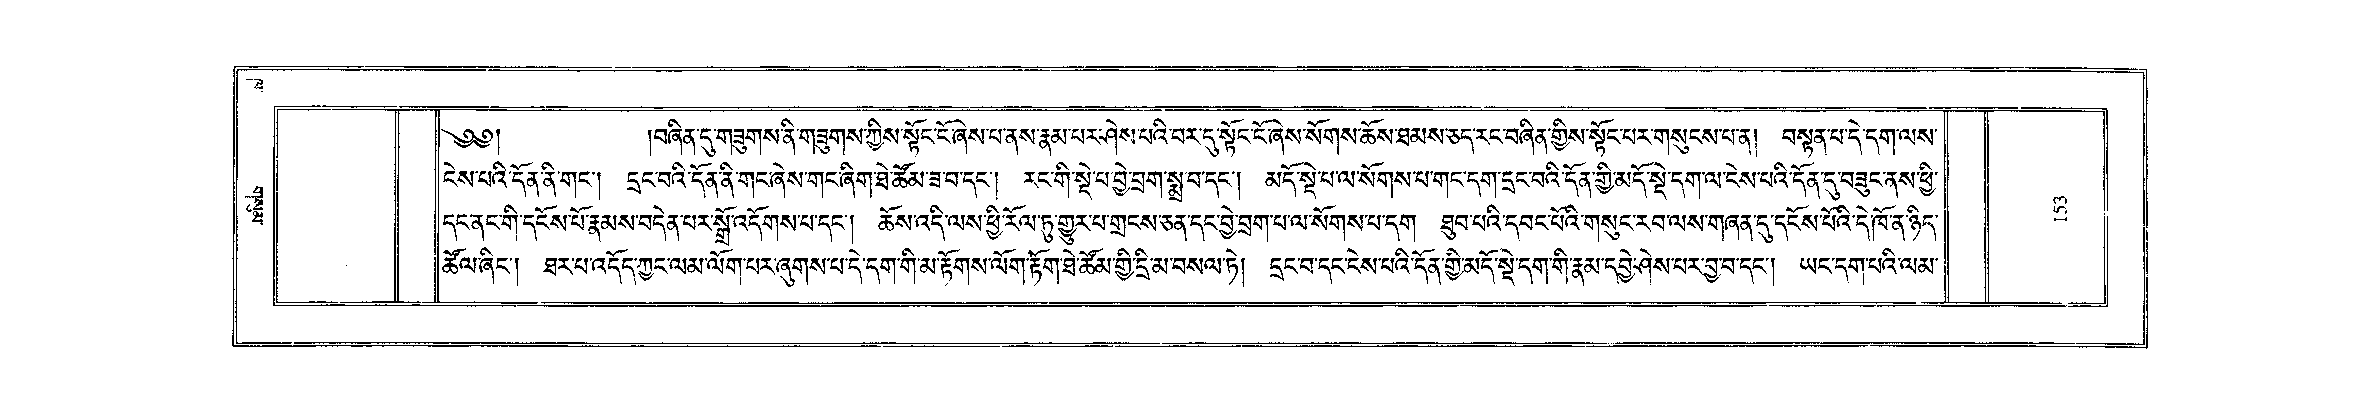༄༅། །བཞིན་དུ་གཟུགས་ནི་གཟུགས་ཀྱིས་སྟོང་ངོ་ཞེས་པ་ནས་རྣམ་པར་ཤེས་པའི་བར་དུ་སྟོང་ངོ་ཞེས་སོགས་ཆོས་ཐམས་ཅད་རང་བཞིན་གྱིས་སྟོང་པར་གསུངས་པ་ན། བསྟན་པ་དེ་དག་ལས་
ངེས་པའི་དོན་ནི་གང་། དྲང་བའི་དོན་ནི་གང་ཞེས་གང་ཞིག་ཐེ་ཚོམ་ཟ་བ་དང་། རང་གི་སྡེ་པ་བྱེ་བྲག་སྨྲ་བ་དང་། མདོ་སྡེ་པ་ལ་སོགས་པ་གང་དག་དྲང་བའི་དོན་གྱི་མདོ་སྡེ་དག་ལ་ངེས་པའི་དོན་དུ་བཟུང་ནས་ཕྱི་
དང་ནང་གི་དངོས་པོ་རྣམས་བདེན་པར་སྒྲོ་འདོགས་པ་དང་། ཆོས་འདི་ལས་ཕྱི་རོལ་ཏུ་གྱུར་པ་གྲངས་ཅན་དང་བྱེ་བྲག་པ་ལ་སོགས་པ་དག་ཐུབ་པའི་དབང་པོའི་གསུང་རབ་ལས་གཞན་དུ་དངོས་པོའི་དེ་ཁོ་ན་ཉིད་
ཚོལ་ཞིང་། ཐར་པ་འདོད་ཀྱང་ལམ་ལོག་པར་ཞུགས་པ་དེ་དག་གི་མ་རྟོགས་ལོག་རྟོག་ཐེ་ཚོམ་གྱི་དྲི་མ་བསལ་ཏེ། དྲང་བ་དང་ངེས་པའི་དོན་གྱི་མདོ་སྡེ་དག་གི་རྣམ་དབྱེ་ཤེས་པར་བྱ་བ་དང་། ཡང་དག་པའི་ལམ་